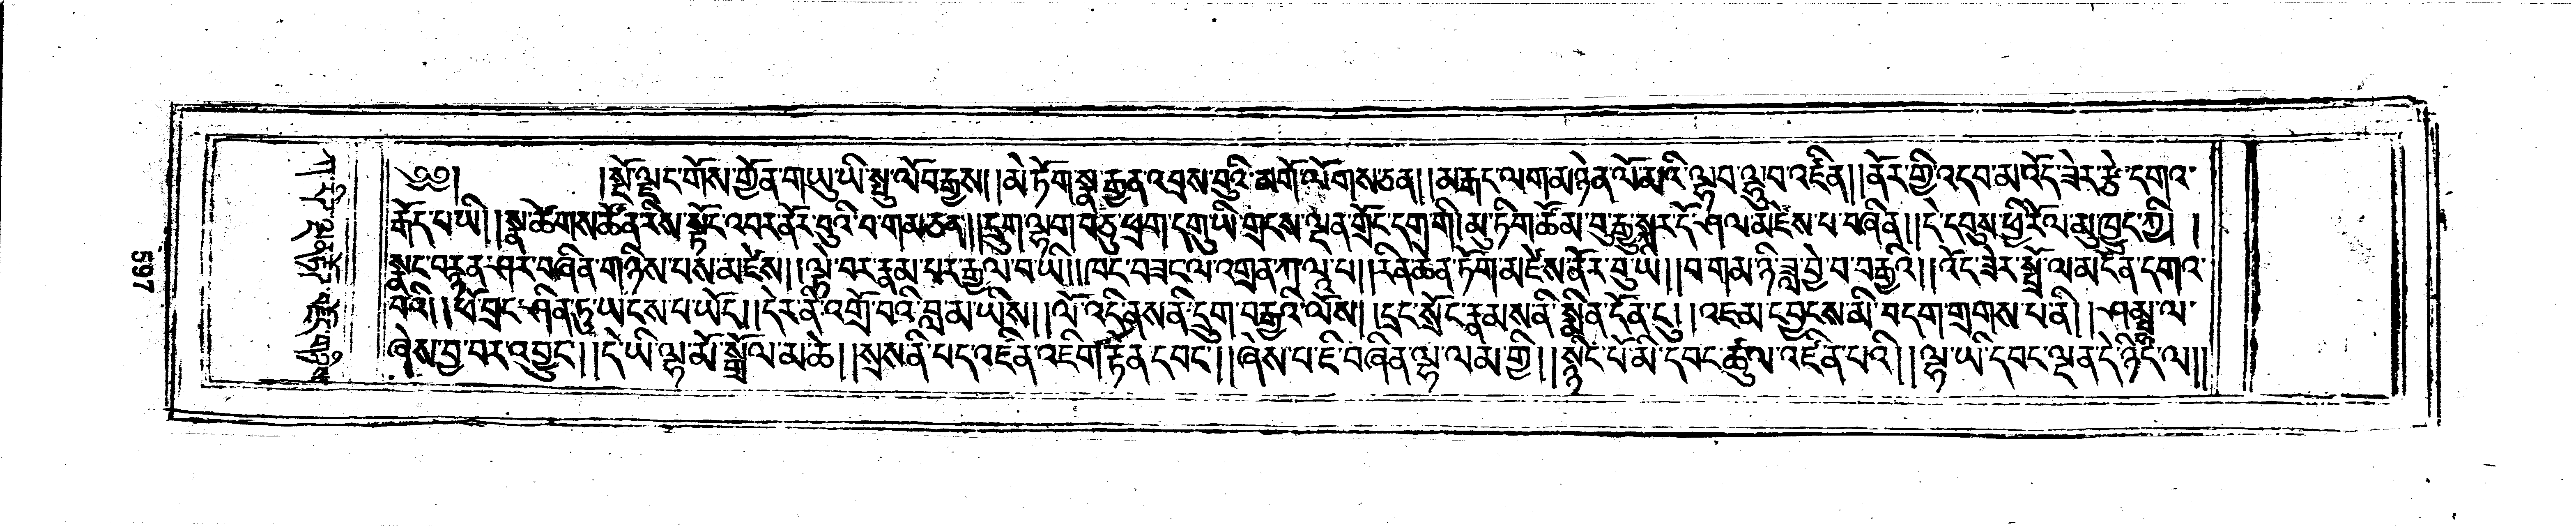༄༅། །སྔོ་ལྗང་གོས་གྱོན་གཡུ་ཡི་སྤུ་ལོང་རྒྱས། །མེ་ཏོག་སྣ་རྒྱན་འབྲས་བུའི་མགོ་ལྕོགས་ཅན། །མྲྒད་ལག་མཉེན་ལོ་མའི་ལྷབ་ལྷུབ་འཛིན། །ནོར་གྱི་འདབ་མ་འོད་ཟེར་རྩེ་དགའ་
རྒོད་པ་ཡི། །སྣ་ཚོགས་ཚོན་རིས་སྟོང་འབར་ནོར་བུའི་བ་གམ་ཅན། །དྲུག་ལྷག་བཅུ་ཕྲག་དགུ་ཡི་གྲངས་ལྡན་གྲོང་དག་གི །མུ་ཏིག་ཚོམ་བུ་རྒྱུ་སྐར་དོ་ཤལ་མཛེས་པ་བཞིན། །དེ་དབུས་ཕྱི་རོལ་མུ་ཁྱུད་ཀྱི། །
སྣང་བརྙན་ཤར་བཞིན་གཉིས་པས་མཛེས། །ལྟེ་བར་རྣམ་པར་རྒྱལ་བ་ཡི། །ཁང་བཟང་ལ་འགྲན་ཀ་ལཱ་པ། །རིན་ཆེན་ཏོག་མཛེས་ནོར་བུ་ཡི། །བ་གམ་ཉི་ཟླ་བྱེ་བ་བརྒྱའོ། །འོད་ཟེར་སྤྲོ་ལ་མངོན་དགའ་
བའི། །ཕོ་བྲང་ཤིན་ཏུ་ཡངས་པ་ཡོད། །དེར་ནི་འགྲོ་བའི་བླ་མ་ཡིས། །ལོ་འདི་ནས་ནི་དྲུག་བརྒྱའི་ལོས། །དྲང་སྲོང་རྣམས་ནི་སྨིན་དོན་དུ། །འཇམ་དབྱངས་མི་བདག་གྲགས་པ་ནི། །ཤམྦྷ་ལ་
ཞེས་བྱ་བར་འབྱུང་། །དེ་ཡི་ལྷ་མོ་སྒྲོལ་མ་ཆེ། །སྲས་ནི་པད་འཛིན་འཇིག་རྟེན་དབང་། །ཞེས་པ་ཇི་བཞིན་ལྷ་ལམ་གྱི། །སྙིང་པོ་མི་དབང་ཚུལ་འཛིན་པའི། །ལྷ་ཡི་དབང་ལྡན་དེ་ཉིད་ལ།